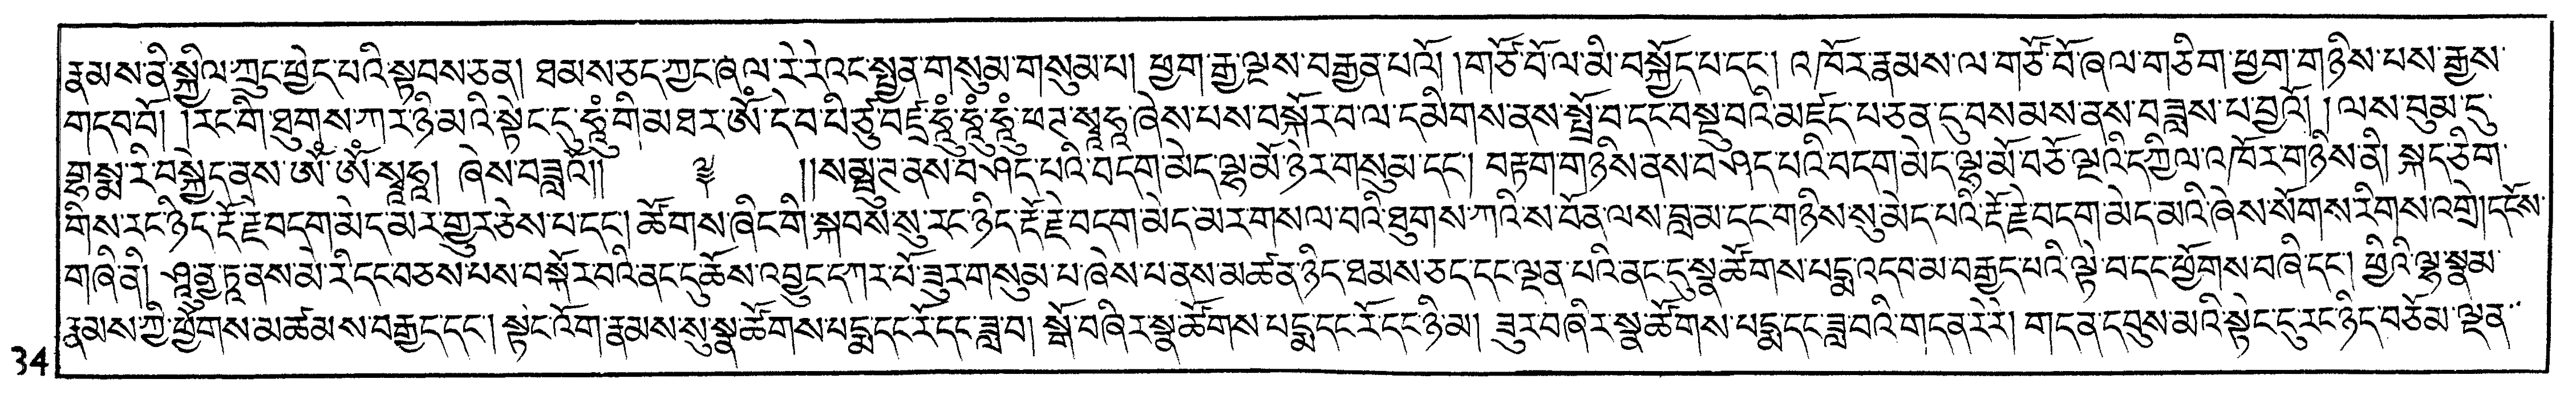རྣམས་ནི་སྐྱིལ་ཀྲུང་ཕྱེད་པའི་སྟབས་ཅན། ཐམས་ཅད་ཀྱང་ཞལ་རེ་རེའང་སྤྱན་གསུམ་གསུམ་པ། ཕྱག་རྒྱ་ལྔས་བརྒྱན་པའོ། །གཙོ་བོ་ལ་མི་བསྐྱོད་པ་དང་། འཁོར་རྣམས་ལ་གཙོ་བོ་ཞལ་གཅིག་ཕྱག་གཉིས་པས་རྒྱས་
གདབ་བོ། །རང་གི་ཐུགས་ཀར་ཉི་མའི་སྟེང་དུ་ཧཱུཾ་གི་མཐར་ཨོཾ་དེ་བ་པི་ཙུ་བཛྲ་ཧཱུཾ་ཧཱུཾ་ཧཱུཾ་ཕཊ་སྭཱཧཱ་ཞེས་པས་བསྐོར་བ་ལ་དམིགས་ནས་སྤྲོ་བ་དང་བསྡུ་བའི་མཛད་པ་ཅན་དུ་བསམས་ནས་བཟླས་པ་བྱའོ། །ལས་བུམ་དུ་
གྷསྨ་རི་བསྐྱེད་ནས་ཨོཾ་ཨོཾ་སྭཱཧཱ། ཞེས་བཟླའོ།། ༈ །།སམྦུ་ཊ་ནས་བཤད་པའི་བདག་མེད་ལྷ་མོ་ཉེར་གསུམ་དང་། བརྟག་གཉིས་ནས་བཤད་པའི་བདག་མེད་ལྷ་མོ་བཅོ་ལྔའི་དཀྱིལ་འཁོར་གཉིས་ནི། སྐད་ཅིག་
གིས་རང་ཉིད་རྡོ་རྗེ་བདག་མེད་མར་གྱུར་ཅེས་པ་དང་། ཚོགས་ཞིང་གི་སྐབས་སུ་རང་ཉིད་རྡོ་རྗེ་བདག་མེད་མར་གསལ་བའི་ཐུགས་ཀའི་ས་བོན་ལས་བླ་མ་དང་གཉིས་སུ་མེད་པའི་རྡོ་རྗེ་བདག་མེད་མའི་ཞེས་སོགས་རིགས་འགྲེ་།དངོས་
གཞི་ནི། ཤཱུ་ནྱ་ཏཱ་ནས་མེ་རི་དང་བཅས་པས་བསྐོར་བའི་ནང་དུ་ཆོས་འབྱུང་དཀར་པོ་ཟུར་གསུམ་པ་ཞེས་པ་ནས་མཚན་ཉིད་ཐམས་ཅད་དང་ལྡན་པའི་ནང་དུ་སྣ་ཚོགས་པདམ་འདབ་མ་བརྒྱད་པའི་ལྟེ་བ་དང་ཕྱོགས་བཞི་དང་། ཕྱིའི་ལྷ་སྣམ་
རྣམས་ཀྱི་ཕྱོགས་མཚམས་བརྒྱད་དང་། སྟེང་འོག་རྣམས་སུ་སྣ་ཚོགས་པདམ་དང་རོ་དང་ཟླ་བ། སྒོ་བཞིར་སྣ་ཚོགས་པདམ་དང་རོ་དང་ཉི་མ། ཟུར་བཞིར་སྣ་ཚོགས་པདམ་དང་ཟླ་བའི་གདན་རེ་རེ། གདན་དབུས་མའི་སྟེང་དུ་རང་ཉིད་བཅོམ་ལྡན་